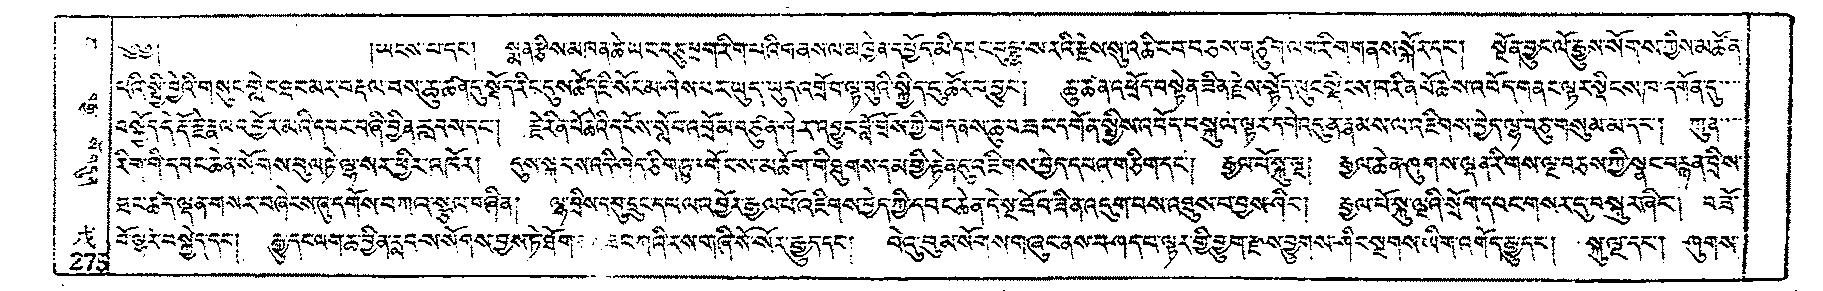༄༅། །ཡངས་པ་དང་། སྨན་རྩིས་མཁན་ཆེ་ཡང་བཅུ་ཕྲག་རིག་པའི་གནས་ལ་མཁྱེན་དཔྱོད་མི་དབང་བུདྡྷ་ས་རའི་རྗེས་སུ་འཆིང་བ་བཅས་གཙུག་ལག་རིག་གནས་སྐོར་དང་། སྔོན་བྱུང་ལོ་རྒྱུས་སོགས་ཀྱིས་མཚོན་
པའི་སྤྱི་བྱེའི་གསུང་གླེང་ཐང་མར་བརྡལ་བས་ཆུ་ཚན་དུ་སྡོད་རིང་དུས་ཚོད་ཇི་སོང་མ་ཤེས་པར་ཡུད་ཡུད་འགྲོ་བ་ལྟ་བུའི་སྐྱིད་དུ་ཚོར་བ་བྱུང་། ཆུ་ཚན་འཕྲོད་བསྟེན་ཟིན་རྗེས་སྟོད་ལུང་སྡིངས་ཁ་རིན་པོ་ཆེས་འབོད་གནང་ལྟར་སྡིངས་ཁ་དགོན་དུ་
བསྐྱོད་དེ་རྡོ་རྗེ་རྣལ་འབྱོར་མའི་དབང་བཞི་བྱིན་རླབས་དང་། རྗེ་རིན་པོ་ཆེའི་དངོས་སློབ་འབྲོམ་བཙུན་ཤེར་འབྱུང་བློ་གྲོས་ཀྱི་གདན་ས་ཆུ་བཟང་དགོན་སྤྱིས་འབོད་བསྐུལ་ལྟར་དགེ་འདུན་རྣམས་ལ་འཇིགས་བྱེད་ལྷ་བཅུ་གསུམ་མ་དང་། ཀུན་
རིག་གི་དབང་ཆེན་སོགས་ཕུལ་ཏེ་ལྷ་སར་ཕྱིར་འཁོར། དུས་སྐབས་འདི་ཤེད་ཅིག་ཏུ་༧གོང་ས་མཆོག་གི་ཐུགས་དམ་གྱི་རྟེན་དུ་འཇིགས་བྱེད་དཔའ་གཅིག་དང་། རྒྱལ་པོ་སྐུ་ལྔ། རྒྱལ་ཆེན་ཤུགས་ལྡན་རིགས་ལྔ་བཅས་ཀྱི་སྣང་བརྙན་བྲིས་
ཐང་ཚད་ལྡན་གསར་བཞེངས་ཞུ་དགོས་བཀའ་སྩལ་བཞིན། ལྷ་བྲིས་དབུ་དྲུང་དཔལ་འབྱོར་རྒྱལ་པོ་འཇིགས་བྱེད་ཀྱི་དབང་ཆེན་དེ་སྔ་ཐོབ་ཟིན་འདུག་པས་འཐུས་པ་བྱས་ཤིང་། རྒྱལ་པོ་སྐུ་ལྔའི་སྲོག་དབང་གསར་དུ་བསྐུར་ཞིང་། བཟོ་
བོ་ལྷར་བསྐྱེད་དང་། རྒྱུ་དང་ལག་ཆ་བྱིན་རླབས་སོགས་བྱས་ཏེ་ཐོག་མར་ཐང་ཀའི་རས་གཞི་སོ་སོར་རྒྱུད་དང་། བེའུ་བུམ་སོགས་གཞུང་ནས་བཤད་པ་ལྟར་གྱི་བྱུག་རྫས་བྱུགས་ཤིང་སྔགས་ཡིག་འགོད་རྒྱུ་དང་། སྐུ་ལྔ་དང་། ཤུགས་